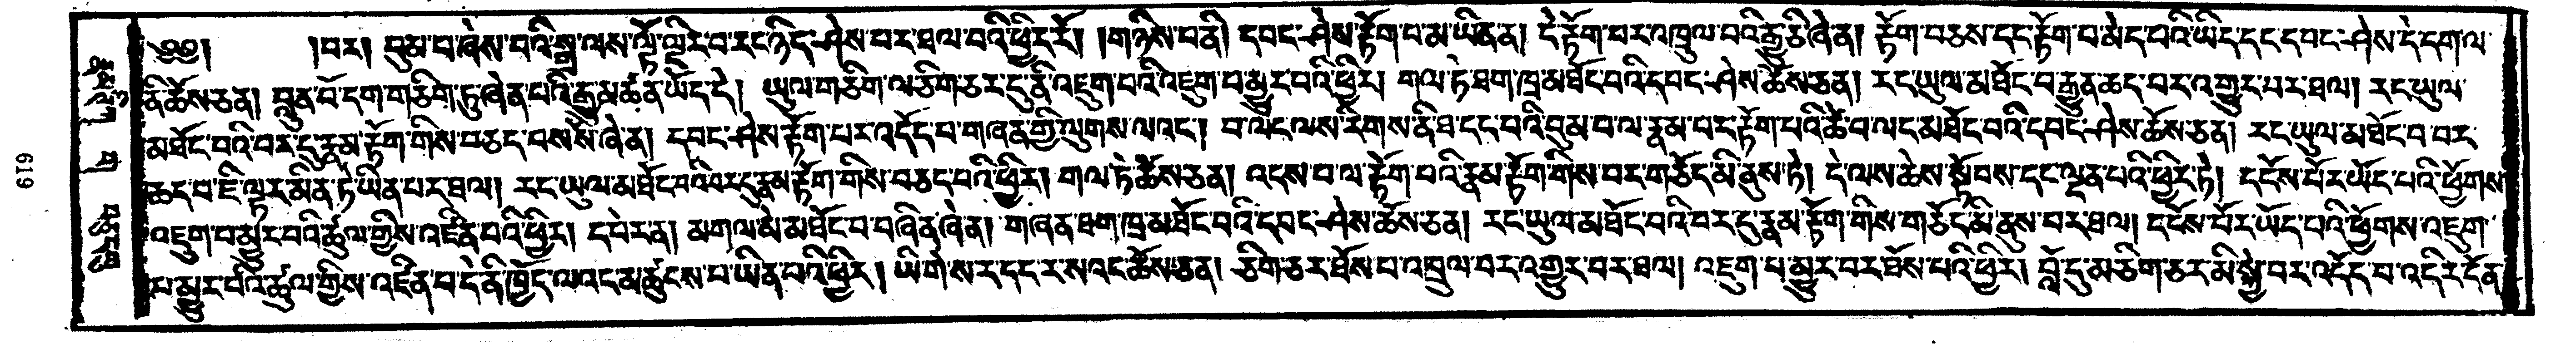༄༅། །བར། བུམ་པ་ཞེས་པའི་སྒྲ་ལས་ལྟོ་ལྡིར་བ་རང་ཉིད་ཤེས་པར་ཐལ་བའི་ཕྱིར་རོ། །གཉིས་པ་ནི། དབང་ཤེས་རྟོག་པ་མ་ཡིན་ན། དེ་རྟོག་པར་འཁྲུལ་པའི་རྒྱུ་ཅི་ཞེ་ན། རྟོག་བཅས་དང་རྟོག་པ་མེད་པའི་ཡིད་དང་དབང་ཤེས་དེ་དག་ལ་
ནི་ཆོས་ཅན། བླུན་བོ་དག་གཅིག་ཏུ་ཞེ་ན་པའི་རྒྱུ་མཚན་ཡོད་དེ། ཡུལ་གཅིག་ལ་ཅིག་ཅར་དུ་ནི་འཇུག་པའི་འཇུག་པ་མྱུར་བའི་ཕྱིར། གལ་ཏེ་ཐག་ཁྲ་མཐོང་བའི་དབང་ཤེས་ཆོས་ཅན། རང་ཡུལ་མཐོང་བ་རྒྱུན་ཆད་པར་འགྱུར་པར་ཐལ། རང་ཡུལ་
མཐོང་བའི་བར་དུ་རྣམ་རྟོག་གིས་བཅད་པས་སོ་ཞེ་ན། དབང་ཤེས་རྟོག་པར་འདོད་པ་གཞན་གྱི་ལུགས་ལའང་། བ་ལང་ལས་རིགས་ནི་ཐ་དད་པའི་བུམ་པ་ལ་རྣམ་པར་རྟོག་པའི་ཚེ་བ་ལང་མཐོང་བའི་དབང་ཤེས་ཆོས་ཅན། རང་ཡུལ་མཐོང་བ་བར་
ཆད་པ་ཇི་ལྟར་མིན་ཏེ་ཡིན་པར་ཐལ། རང་ཡུལ་མཐོང་བའི་བར་དུ་རྣམ་རྟོག་གིས་བཅད་པའི་ཕྱིར། གལ་ཏེ་ཆོས་ཅན། འདས་པ་ལ་རྟོག་པའི་རྣམ་རྟོག་གིས་བར་གཅོད་མི་ནུས་ཏེ། དེ་ལས་ཆེས་སྟོབས་དང་ལྡན་པའི་ཕྱིར་ཏེ། དངོས་པོར་ཡོང་པའི་ཕྱོགས་
འཇུག་བ་མྱུར་བའི་ཚུལ་གྱིས་འཛིན་པའི་ཕྱིར། དཔེར་ན། མགལ་མེ་མཐོང་བ་བཞིན་ཞེ་ན། གཞན་ཐག་ཁྲ་མཐོང་བའི་དབང་ཤེས་ཆོས་ཅན། རང་ཡུལ་མཐོང་བའི་བར་དུ་རྣམ་རྟོག་གིས་གཅོད་མི་ནུས་པར་ཐལ། དངོས་པོར་ཡོད་པའི་ཕྱོགས་འཇུག་
པ་མྱུར་བའི་ཚུལ་གྱིས་འཛིན་པ་དེ་ནི་ཁྱོད་ལའང་མཚུངས་པ་ཡིན་པའི་ཕྱིར། ཡི་གེ་ས་ར་དང་ར་ས་འང་ཆོས་ཅན། ཅིག་ཅར་ཐོས་པ་འཁྲུལ་བར་འགྱུར་བར་ཐལ། འཇུག་པ་མྱུར་བར་ཐོས་པའི་ཕྱིར། བློ་དུ་མ་ཅིག་ཅར་མི་སྐྱེ་བར་འདོད་པ་འདིར་དོན་